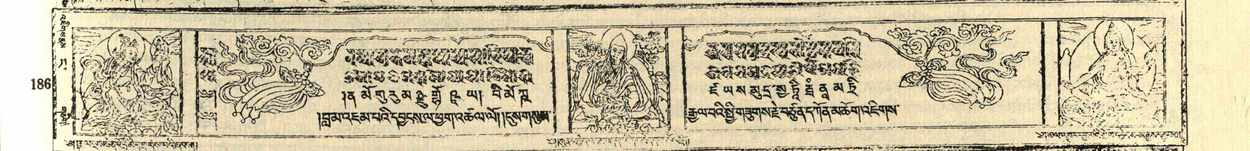༄༅། །ན་མོ་གུ་རུ་མ་ཉྫུ་གྷོ་ཥཱ་ཡ། བི་མོ་ཀྵ་ཛ་ཡ་ས་མུ་དྲ་སྱ་ཏཱི་རྠཾ་ནཱ་མ་ཏྲི་
༄༅། །བླ་མ་འཇམ་པའི་དབྱངས་ལ་ཕྱག་འཚལ་ལོ། །དུས་གསུམ་རྒྱལ་བའི་སྤྱི་གཟུགས་རྗེ་བཙུན་དཀོན་མཆོག་འཇིགས་